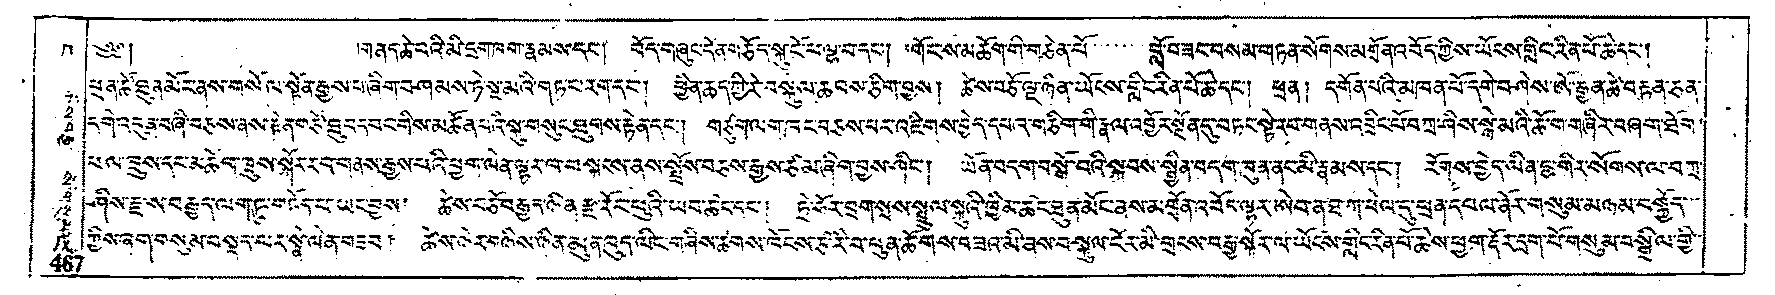༄༅། །གནད་ཆེ་བའི་མི་དྲག་ཁག་རྣམས་དང་། བོད་གཞུང་དོན་གཅོད་སྐུ་ངོ་ཕ་ལྷ་བ་དང་། ༧གོང་ས་མཆོག་གི་གཅེན་པོ་བློ་བཟང་བསམ་གཏན་སོགས་མགྲོན་འབོད་ཀྱིས་ཡོངས་གླིང་རིན་པོ་ཆེ་དང་།
ཕྲན་ཚོ་ཐུན་མོང་ནས་གསོལ་སྟོན་རྒྱས་པ་ཞིག་བཤམས་ཏེ་སྔ་མའི་གཏང་རག་དང་། ཕྱིན་ཆད་ཀྱི་རེ་བསྐུལ་ཆབས་ཅིག་བྱས། ཚེས་བཅོ་ལྔ་ཉིན་ཡོངས་གླིང་རིན་པོ་ཆེ་དང་། ཕྲན། དགོན་པའི་མཁན་པོ་དགེ་བཤེས་ཨོ་རྒྱན་ཚེ་བརྟན་ཅན་
དགེ་འདུན་བཞི་བཅས་ནས་རྟེན་གཙོ་ཐུབ་དབང་གིས་མཚོན་པའི་སྐུ་གསུང་ཐུགས་རྟེན་དང་། གཙུག་ལག་ཁང་བཅས་པར་འཇིགས་བྱེད་དཔའ་གཅིག་གི་རྣལ་འབྱོར་སྔོན་དུ་བཏང་སྟེ་རབ་གནས་འབྲིང་པོ་བཀྲ་ཤིས་སྙེ་མའི་ཆོ་ག་གཞིར་བཞག་ཐོག་
པ་ལ་ཁྲུས་དང་མཆོག་ཁྲུས་སྐོར་རབ་གནས་རྒྱས་པའི་ཕྱག་ལེན་ལྟར་ཁ་བསྐངས་ནས་སྤྲོས་བཅས་རྒྱས་ཙམ་ཞིག་བྱས་ཤིང་། ཡོན་བདག་བསྒོ་བའི་སྐབས་སྦྱིན་བདག་ཁུན་ནང་མི་རྣམས་དང་། རོགས་བྱེད་ལིན་དྷ་གིར་སོགས་ལ་བཀྲ་
ཤིས་རྫས་བརྒྱད་ལག་ཏུ་གཏོད་པ་ཡང་བྱས། ཚེས་བཅོ་བརྒྱད་ཉིན་རྫ་རོང་ཕུའི་ཡབ་ཚང་དང་། ཏྲེ་ཧོར་བྲག་སྲས་སྤྲུལ་སྐུའི་ཁྱིམ་ཚང་ཐུན་མོང་ནས་མགྲོན་འབོད་ལྟར་ཨེབ་ན་ཐ་ཀ་ཕེལ་དུ་ཕྲན་དཔལ་ནོར་གསུམ་མཉམ་བསྐྱོད་
ཀྱིས་ཞག་གསུམ་བསྡད་པར་སྣེ་ལེན་གཟབ། ཚེས་ཉེར་གཉིས་ཉིན་མུན་ཁུད་ལིང་གཞིས་ཆགས་ཁོངས་ཙ་རི་བ་ཕུན་ཚོགས་བཟའ་མི་ནས་བསྐུལ་ངོར་མི་གྲངས་བརྒྱ་སྐོར་ལ་ཡོངས་གླིང་རིན་པོ་ཆེས་ཕྱག་རྡོར་དྲག་པོ་གསུམ་བསྒྲིལ་གྱི་